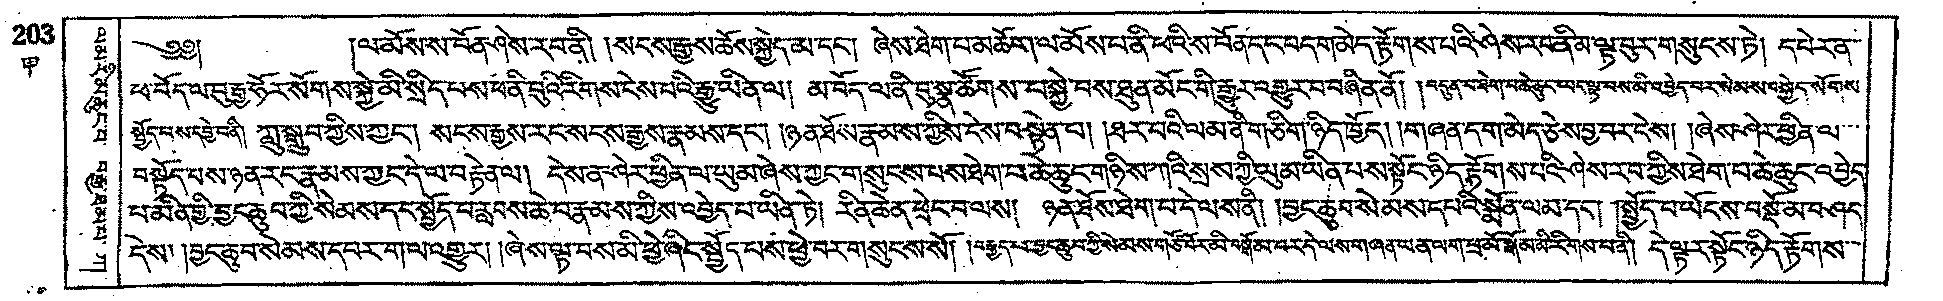༄༅། །ལ་མོས་ས་བོན་ཤེས་རབ་ནི། །སངས་རྒྱས་ཆོས་སྐྱེད་མ་དང་། ཞེས་ཐེག་པ་མཆོག་ལ་མོས་པ་ནི་ཕའི་ས་བོན་དང་བདག་མེད་རྟོགས་པའི་ཤེས་རབ་ནི་མ་ལྟ་བུར་གསུངས་ཏེ། དཔེར་ན་
ཕ་བོད་ལ་བུ་རྒྱ་ཧོར་སོགས་སྐྱེ་མི་སྲིད་པས་ཕ་ནི་བུའི་རིགས་ངེས་པའི་རྒྱུ་ཡིན་ལ། མ་བོད་ལ་ནི་བུ་སྣ་ཚོགས་པ་སྐྱེ་བས་ཐུན་མོང་གི་རྒྱུར་འགྱུར་བ་བཞིན་ནོ། །བདུན་པ་ཐེག་པ་ཆེ་ཆུང་ཡང་ལྟ་བས་མི་འབྱེད་པར་སེམས་བསྐྱེད་སོགས་
སྤྱོད་པས་དབྱེ་བ་ནི། ཀླུ་སྒྲུབ་ཀྱིས་ཀྱང་། སངས་རྒྱས་རང་སངས་རྒྱས་རྣམས་དང་། །ཉན་ཐོས་རྣམས་ཀྱིས་ངེས་བསྟེན་པ། །ཐར་པའི་ལམ་ནི་གཅིག་ཉིད་ཁྱོད། །གཞན་དག་མེད་ཅེས་བྱ་བར་ངེས། །ཞེས་ཤེར་ཕྱིན་ལ་
བསྟོད་པས་ཉན་རང་རྣམས་ཀྱང་དེ་ལ་བརྟེན་ལ། དེས་ན་ཤེར་ཕྱིན་ལ་ཡུམ་ཞེས་ཀྱང་གསུངས་པས་ཐེག་པ་ཆེ་ཆུང་གཉིས་ཀའི་སྲས་ཀྱི་ཡུམ་ཡིན་པས་སྟོང་ཉིད་རྟོགས་པའི་ཤེས་རབ་ཀྱིས་ཐེག་པ་ཆེ་ཆུང་འབྱེད་
པ་མིན་གྱི་བྱང་ཆུབ་ཀྱི་སེམས་དང་སྤྱོད་པ་རླབས་ཆེ་བ་རྣམས་ཀྱིས་འབྱེད་པ་ཡིན་ཏེ། རིན་ཆེན་ཕྲེང་བ་ལས། ཉན་ཐོས་ཐེག་པ་དེ་ལས་ནི། །བྱང་ཆུབ་སེམས་དཔའི་སྨོན་ལམ་དང་། །སྤྱོད་པ་ཡོངས་བསྡོ་མ་བཤད་
དེས། །བྱང་ཆུབ་སེམས་དཔར་ག་ལ་འགྱུར། །ཞེས་ལྟ་བས་མི་ཕྱེ་ཞིང་སྤྱོད་པས་ཕྱེ་བར་གསུངས་སོ། །བརྒྱད་པ་བྱང་ཆུབ་ཀྱི་སེམས་གཙོ་བོར་མི་བསྒོམ་པར་དེ་ལས་གཞན་ཡན་ལག་ཕྲ་མོ་སྒོམ་མི་རིགས་པ་ནི།  དེ་ལྟར་སྟོང་ཉིད་རྟོགས་